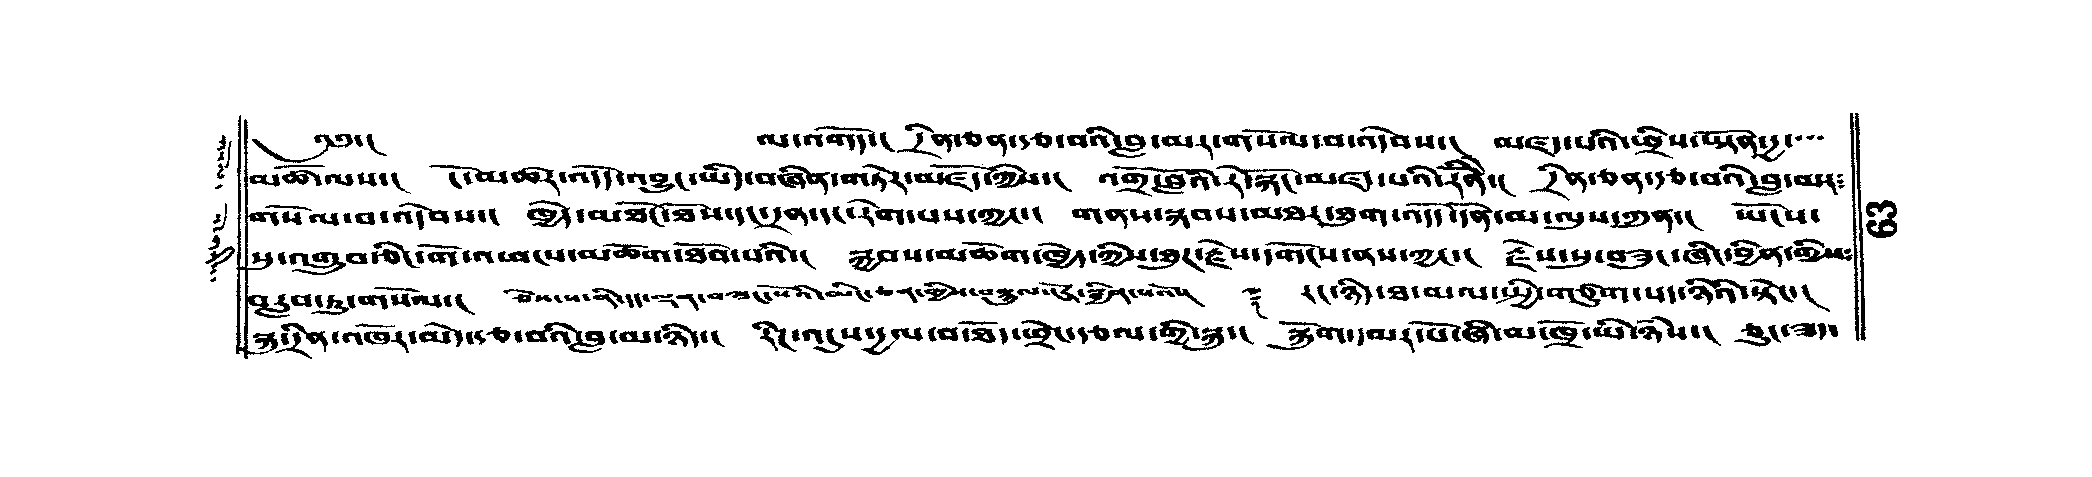ལ་འགོད། །དྲིན་ཅན་རྩ་བའི་བླ་མར་གསོལ་བ་འདེབས། །མཛད་པའི་ཕྲིན་ལས་ཡོན་ཏན་རྒྱ་
མཚོ་ལས། །ངོ་མཚར་འདོད་འབྱུང་ཡིད་བཞིན་གཏེར་མཛོད་ཀྱིས། །འགྲོ་བའི་རེ་སྐོང་མཛད་པའི་རིན་པོ་ཆེ། །དྲིན་ཅན་རྩ་བའི་བླ་མར་
གསོལ་བ་འདེབས། །ཁྱེད་མཐོང་ཐོས་དང་དྲན་དང་རེག་པས་ཀྱང་། །གནས་སྐབས་མཐར་ཐུག་འདོད་དོན་མ་ལུས་ཀུན། །ཡོངས་
སུ་འགྲུབ་ཅིང་གོ་འཕང་མཆོག་ཐོབ་པའི། །སྐྱབས་མཆོག་ཁྱེད་ཀྱིས་ཐུགས་རྗེས་དགོངས་ནས་ཀྱང་། །རྗེས་སུ་བཟུང་ཞིང་བྱིན་གྱིས་
བརླབ་ཏུ་གསོལ། ཅེས་པ་ནི་དད་ལྡན་བཟང་པོའི་མིང་ཅན་གྱིས་བསྐུལ་ངོར་སྦྱིན་པའོ།། ༈ རང་ཉིད་ཐ་མལ་སྤྱི་གཙུག་པད་ཉིའི་སྟེང་། 
སྐུ་དྲིན་འཁོར་མེད་རྩ་བའི་བླ་མ་ཉིད། རིགས་འདུས་རྒྱལ་བ་ཐོད་ཕྲེང་རྩལ་གྱི་སྐུ། སྐུ་མདོག་དམར་པོ་ཞི་མ་ཁྲོ་ཡི་ཉམས། །ཅུང་ཟད་